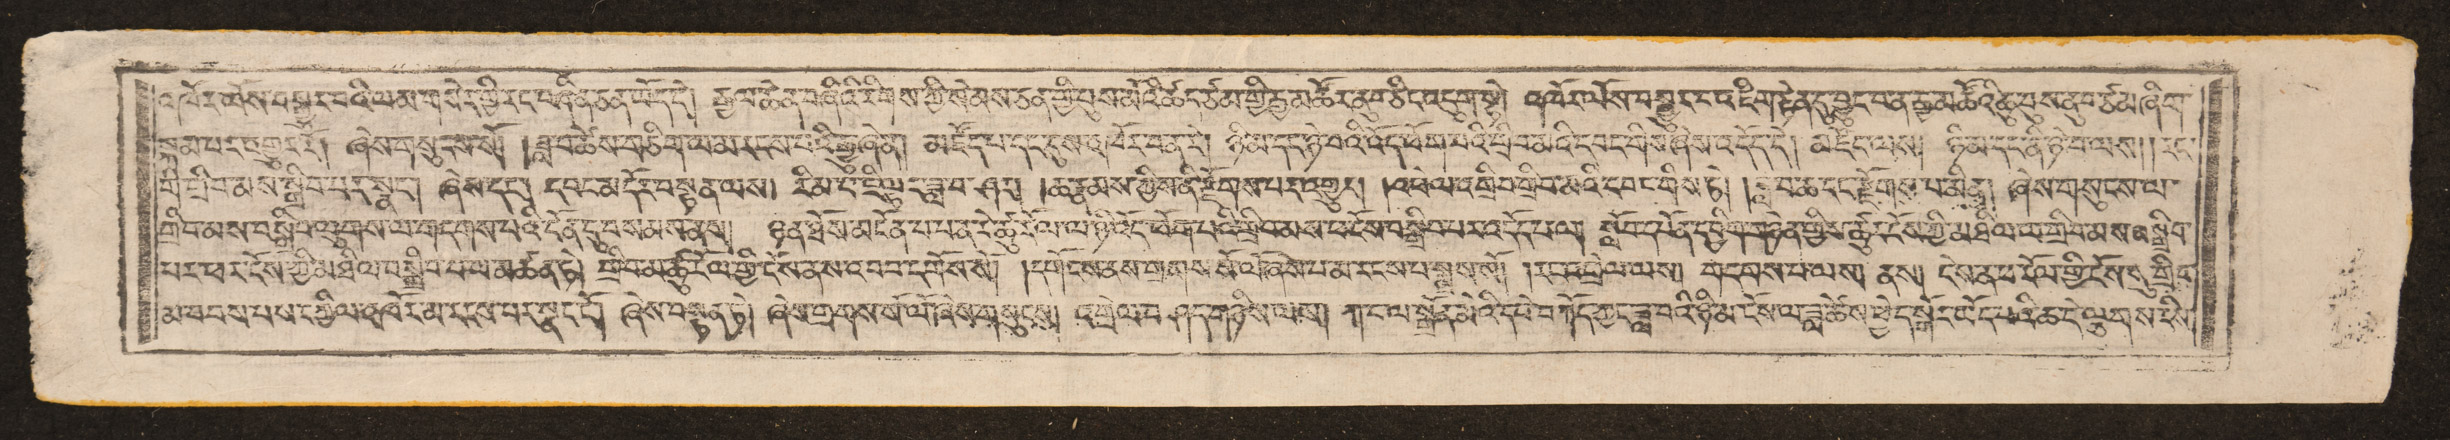འཁོར་ལོས་བསྒྱུར་བའི་ལམ་གསེར་གྱི་རང་བཞིན་ཅན་ཡོད་དེ། རྒྱལ་ཆེན་བཞིའི་རིགས་ཀྱི་སེམས་ཅན་གྱི་པུས་མོའི་ཚད་ཙམ་གྱི་རྒྱ་མཚོར་ནུབ་ཅིང་འདུག་སྟེ། འཁོར་ལོས་བསྒྱུར་བ་འཇིག་རྟེན་དུ་བྱུང་བ་ན་?་རྒྱ་མཚོའི་ཆུ་པུས་ནུ་བཙམ་ཞིག་
སྐམ་བར་འགྱུར་རོ། ཞེས་གསུངས་སོ། །ཟླ་བ་ཆོས་གཅིག་ལ་མར་ངས་པའི་རྒྱུ་ཞེ་ན། མཛོད་པ་དང་དུས་འཁོར་བ་ན་རེ། ཉི་མ་དང་ཉེ་བའི་འོད་ཕོག་པའི་གྲིབ་མའི་དབང་གིས་ཞེས་འདོད་དེ། མཛོད་ལས། ཉི་མ་དང་ནི་ཉེ་བ་ལས། །རང་
གི་གྲིབ་མས་སྒྲིབ་པར་སྣང་། ཞེས་དང་། དབང་མདོར་བསྟན་ལས། རིམ་པ་ཇི་ལྟར་བླ་བ་ཤར། །ཆ་སྣམས་གྱིས་ནི་རྫོགས་པར་འགྱུར། །འཕེལ་འགྲིབ་གྲིབ་མའི་དབང་གིས་ཏེ། །ཟླ་བ་ཆ་དང་རྫོགས་པ་མིན། ཞེས་གསུངས་ལ་
གྲིབ་མས་བསྒྲིབ་ལུགས་ལ་གདགས་པའི་དོན་དུ་བསམས་ནས། ཉན་ཐོས་མངོན་པ་པ་ན་རེ་ཚུ་རོལ་ལ་ཉི་འོད་ཕོག་པའི་གྲིབ་མས་ཕ་ངོས་བསྒྲིབ་པར་འདོད་པ་ལ། སློབ་དཔོན་དབྱིག་གཉེན་གྱིས་ཚུ་དངོས་ཀྱི་མཐིལ་ལ་གྲིབ་མས་མ་སྒྲིབ་
པར་ཕར་ངོས་ཀྱི་མཐིལ་བསྒྲིབ་པ་ཡ་མཚན་ཏེ། གྲིབ་མཚུ་རོལ་གྱི་ངོས་ནས་འབབ་དགོས་སོ། །དགོངས་ནས་གྲགས་སོ་ལོ་ཞེས་པ་མར་ངས་བ་སྨྲས་སོ། །རང་འགྲེལ་ལས། གདགས་པ་ལས། ནས། དེས་ན་ཕ་རོལ་གྱི་ངོས་སུ་གྲིབ་
མ་བབས་པས་དཀྱིལ་འཁོར་མ་རངས་པར་སྣང་ངོ། ཞེས་བསྟན་ཏེ། ཞེས་གྲགས་སོ་ལོ་ཞེས་གསུངས། འགྲེལ་བཤད་གཉིས་ལས། ཀ་བ་ལ་སྒྲོན་མེའི་དཔེ་བཀོད་ཀྱང་ཟླ་བའི་ཉི་མ་ངོས་ལ་ཟླ་ཚེས་ཕྱེད་སྒོར་ཡོད་པའི་ཆ་དེ་ལྕགས་རིག་